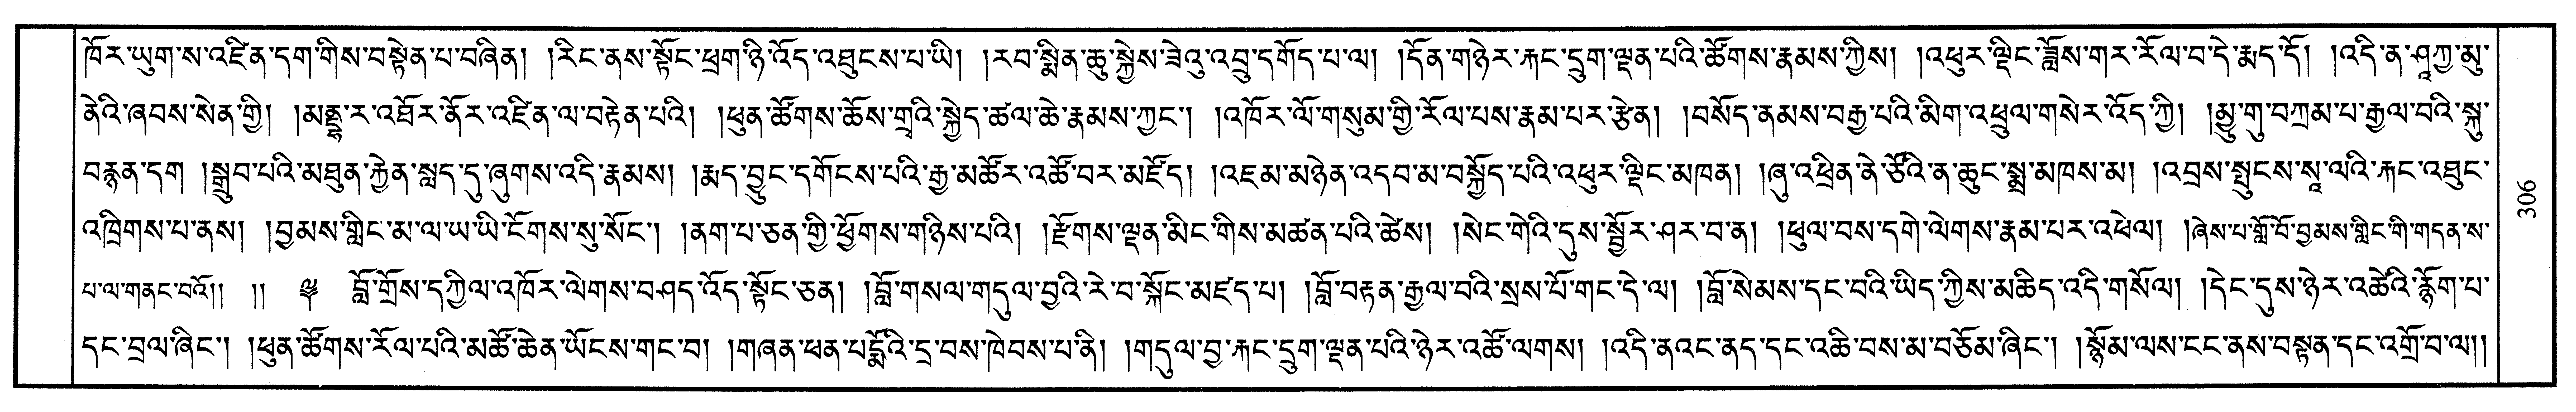ཁོར་ཡུག་ས་འཛིན་དག་གིས་བསྟེན་པ་བཞིན། །རིང་ནས་སྟོང་ཕྲག་ཉི་འོད་འཐུངས་པ་ཡི། །རབ་སྨིན་ཆུ་སྐྱེས་ཟེའུ་འབྲུ་དགོད་པ་ལ། །དོན་གཉེར་རྐང་དྲུག་ལྡན་པའི་ཚོགས་རྣམས་ཀྱིས། །འཕུར་ལྡིང་ཟློས་གར་རོལ་བ་དེ་རྨད་དོ། །འདི་ན་ཤཱཀྱ་མུ་
ནེའི་ཞབས་སེན་གྱི། །མནྡྷ་ར་འཐོར་ནོར་འཛིན་ལ་བརྟེན་པའི། །ཕུན་ཚོགས་ཆོས་གྲྭའི་སྐྱེད་ཚལ་ཆེ་རྣམས་ཀྱང་། །འཁོར་ལོ་གསུམ་གྱི་རོལ་པས་རྣམ་པར་རྩེན། །བསོད་ནམས་བརྒྱ་པའི་མིག་འཕྲུལ་གསེར་འོད་ཀྱི། །མྱུ་གུ་བཀྲམ་པ་རྒྱལ་བའི་སྐུ་
བརྙན་དག །སྒྲུབ་པའི་མཐུན་རྐྱེན་སླད་དུ་ཞུགས་འདི་རྣམས། །རྨད་བྱུང་དགོངས་པའི་རྒྱ་མཚོར་འཚོ་བར་མཛོད། །འཇམ་མཉེན་འདབ་མ་བསྐྱོད་པའི་འཕུར་ལྡིང་མཁན། །ཞུ་འཕྲིན་ནེ་ཙོའི་ན་ཆུང་སྨྲ་མཁས་མ། །འབྲས་སྤུངས་སཱ་ལའི་རྐང་འཐུང་
འཁྲིགས་པ་ནས། །བྱམས་གླིང་མ་ལ་ཡ་ཡི་ངོགས་སུ་སོང་། །ནག་པ་ཅན་གྱི་ཕྱོགས་གཉིས་པའི། །རྫོགས་ལྡན་མིང་གིས་མཚན་པའི་ཚེས། །སེང་གེའི་དུས་སྦྱོར་ཤར་བ་ན། །ཕུལ་བས་དགེ་ལེགས་རྣམ་པར་འཕེལ། །ཞེས་པ་གློ་བོ་བྱམས་གླིང་གི་གདན་ས་
པ་ལ་གནང་བའོ།། །། ༈ གློ་གྲོས་དཀྱིལ་འཁོར་ལེགས་བཤད་འོད་སྟོང་ཅན། །བློ་གསལ་གདུལ་བྱའི་རེ་བ་སྐོང་མཛད་པ། །བློ་བརྟན་རྒྱལ་བའི་སྲས་པོ་གང་དེ་ལ། །བློ་སེམས་དང་བའི་ཡིད་ཀྱིས་མཆིད་འདི་གསོལ། །དེང་དུས་ཉེར་འཚེའི་རྙོག་པ་
དང་བྲལ་ཞིང་། །ཕུན་ཚོགས་རོལ་པའི་མཚོ་ཆེན་ཡོངས་གང་བ། །གཞན་ཕན་པདམོའི་དྲ་བས་ཁེབས་པ་ནི། །གདུལ་བྱ་རྐང་དྲུག་ལྡན་པའི་ཉེར་འཚོ་ལགས། །འདི་ནའང་ནད་དང་འཆི་བས་མ་བཅོམ་ཞིང་། །སྙོམ་ལས་ངང་ནས་བསྟན་དང་འགྲོ་བ་ལ།།